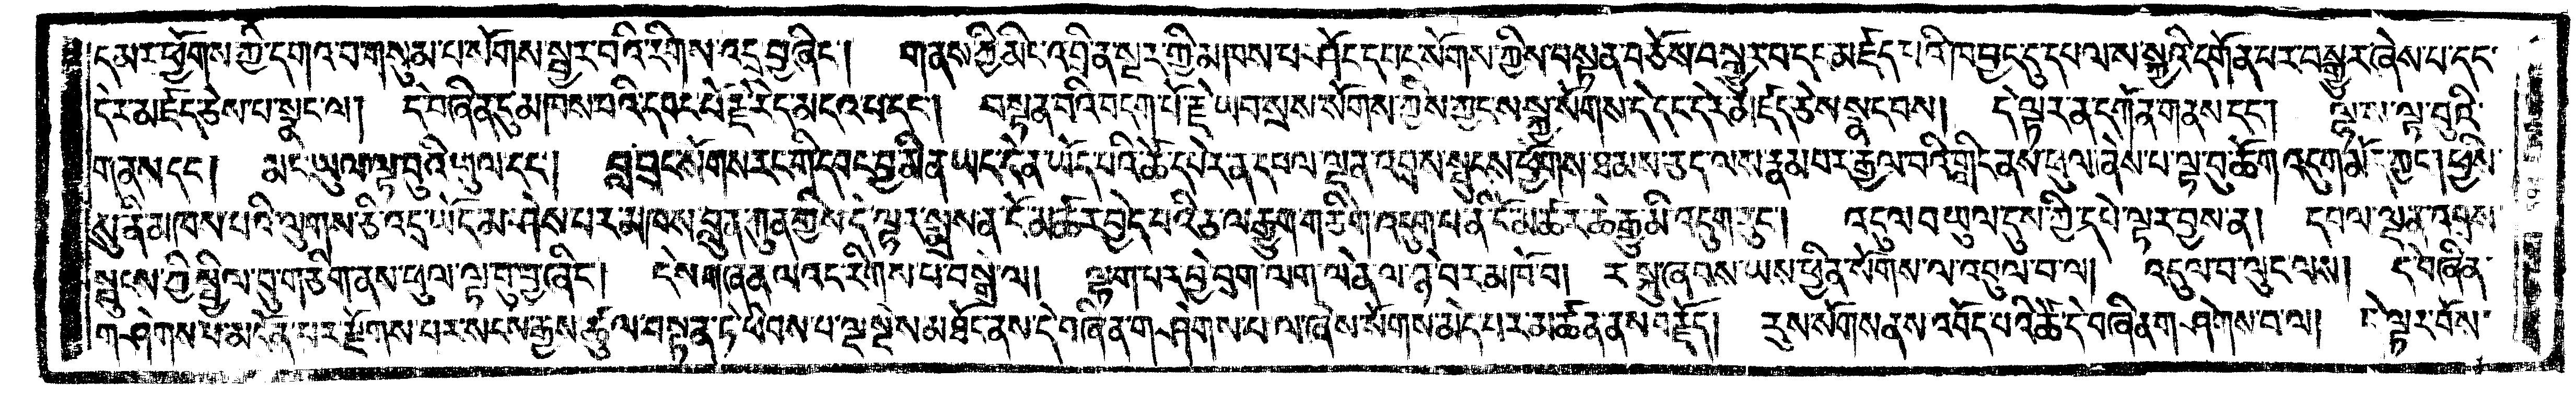དམར་ཕྱོགས་ཀྱི་དགའ་བ་གསུམ་པ་སོགས་སྦྱར་བའི་རིགས་འདྲ་བྱ་ཞིང་། གནས་ཀྱི་མིང་འབྲི་ན་སྔར་གྱི་མཁས་པ་ཤོང་དཔང་སོགས་ཀྱིས་བསྟན་བཅོས་བསྒྱུར་བ་དང་མཛད་པའི་ཁ་བྱང་དུ་དཔལ་ས་སྐྱའི་དགོན་པར་བསྒྱུར་ཞེས་པ་དང་
དེར་མཛད་ཅེས་པ་སྣང་ལ། དེ་བཞིན་དུ་མཁས་པའི་དབང་པོ་རྗེ་རེད་མངའ་པ་དང་། བསྟན་པའི་བདག་པོ་རྗེ་ཡབ་སྲས་སོགས་ཀྱིས་ཀྱང་ས་སྐྱ་སོགས་དེ་དང་དེར་མཛད་ཅེས་སྣང་བས། དེ་ལྟར་ན་དཀོན་གནས་དང་། ལྷ་ས་ལྟ་བུའི་
གནས་དང་། མང་ཡུལ་ལྟ་བུའི་ཡུལ་དང་། བླ་བྲང་སོགས་རང་གི་དབང་བྱ་མིན་ཡང་དེ་ན་ཡོད་པའི་ཚེ་དཔེར་ན་དཔལ་ལྡན་འབྲས་སྤུངས་ཕྱོགས་ཐམས་ཅད་ལས་རྣམ་པར་རྒྱལ་བའི་གླིང་ནས་ཕུལ་ཞེས་པ་ལྟ་བུ་ཆོ་ག་འདུག་མོད་ཀྱང་། ཕྱིས་
སུ་ནི་མཁས་པའི་ལུགས་ཅི་འདྲ་ཡོད་མ་ཤེས་པར་མཁས་བླུན་ཀུན་གྱིས་དེ་ལྟར་སྨྲས་ན་ངོ་མཚར་བྱེད་པའི་ཅ་ལ་རྒྱུག་གཅིག་འདུག་པ་ནི་ངོ་མཚར་ཆེ་རྒྱུ་མི་འདུག་ཕུང?། འདུལ་བ་ཡུལ་དུས་ཀྱི་དཔེ་ལྟར་བྱས་ན། དཔལ་ལྡན་འབྲས་
སྤུངས་ཀྱི་སྤྱིལ་བུ་གཅིག་ནས་ཕུལ་ལྟ་བུ་བྱ་ཞིང་། དེས་གཞན་ལའང་རིགས་པ་བསྒྲེ་ལ། ལྷག་པར་བྱེ་བྲག་ལག་ལེན་ལ་ཉེ་བར་མཁོ་བ། ར་སྐུ་ཞབས་ཡས་ཕྱིན་སོགས་ལ་འབུལ་བ་ལ། འདུལ་བ་ལུང་ལས། དེ་བཞིན་
གཤེགས་པ་མངོན་པར་རྫོགས་པར་སངས་རྒྱས་ཚུལ་བསྟན་ཏེ་ཕིབས་པ་ལྔ་སྡེས་མཐོང་ནས་དེ་བཞིན་གཤེགས་པ་ལ་ཞེས་སོགས་མེད་པར་མཚན་ནས་བརྗོད། རུས་སོགས་ནས་འབོད་པའི་ཚེ་དེ་བཞིན་གཤེགས་པ་ལ། དེ་ལྟར་བོས་